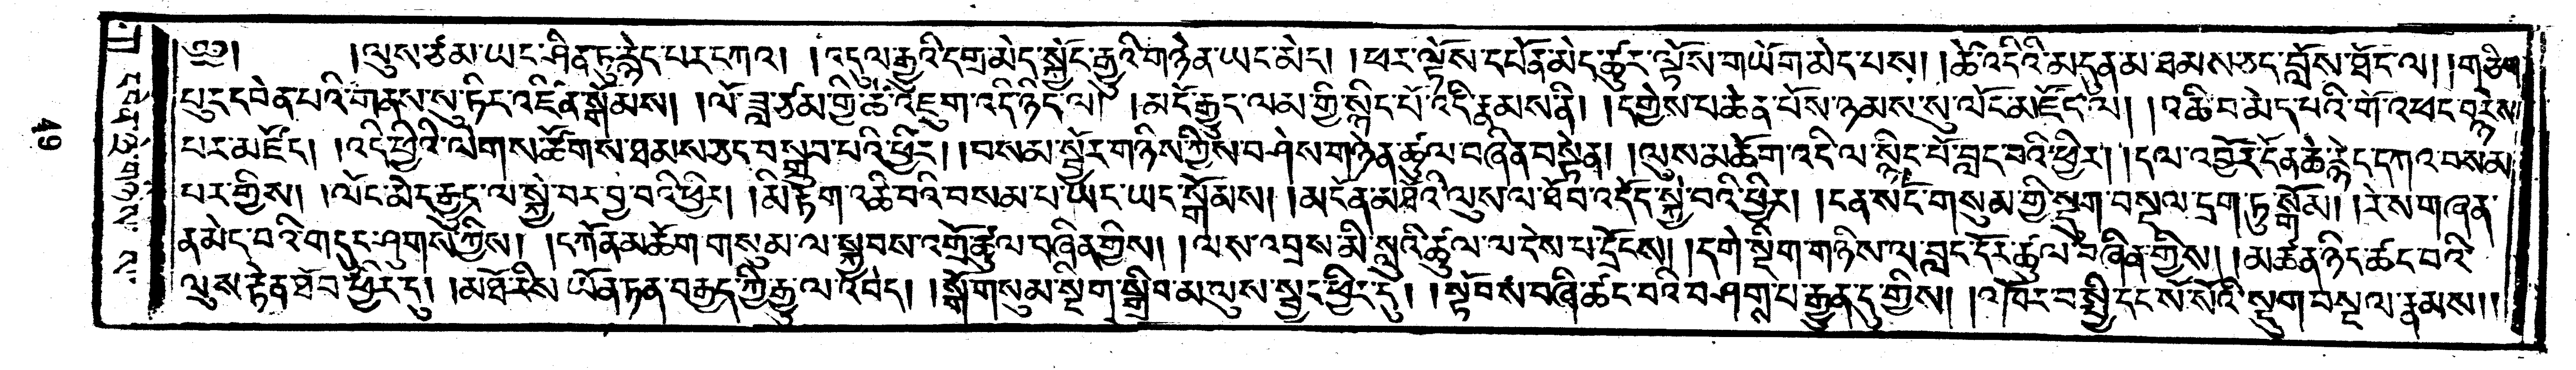༄༅། །ལུས་ཙམ་ཡང་ཤིན་ཏུ་རྙེད་པར་དཀའ། །འདུལ་རྒྱུའི་དགྲ་མེད་སྐྱོང་རྒྱུའི་གཉེན་ཡང་མེད། །ཕར་ལྟོས་དཔོན་མེད་ཚུར་ལྟོས་གཡོག་མེད་པས། །ཚེ་འདིའི་མདུན་མ་ཐམས་ཅད་བློས་ཐོད་ལ། །གཅིག་
པུར་དབེན་པའི་གནས་སུ་ཏིང་འཛིན་སྒོམས། །ལོ་ཟླ་ཙམ་གྱི་ཚེ་འཇུག་འདི་ཉིད་ལ། །མདོ་རྒྱུད་ལམ་གྱི་སྙིང་པོ་འདི་རྣམས་ནི། །དགྱེས་པ་ཆེན་པོས་ཉམས་སུ་ལོང་མཛོད་ལ། །འཆི་བ་མེད་པའི་གོ་འཕང་བརྙེས་
པར་མཛོད། །འདི་ཕྱིའི་ལེགས་ཚོགས་ཐམས་ཅད་བསྒྲུབ་པའི་ཕྱིར། །བསམ་སྦྱོར་གཉིས་ཀྱིས་བཤེས་གཉེན་ཚུལ་བཞིན་བསྟེན། །ལུས་མཆོག་འདི་ལ་སྙིང་པོ་བླང་བའི་ཕྱིར། །དལ་འབྱོར་དོན་ཆེ་རྙེད་དཀའ་བསམ་
པར་གྱིས། །ལོང་མེད་རྒྱུད་ལ་སྐྱེ་བར་བྱ་བའི་ཕྱིར། །མི་རྟག་འཆི་བའི་བསམ་པ་ཡང་ཡང་སྒོམས། །མངོན་མཐོའི་ལུས་ལ་ཐོབ་འདོད་སྐྱེ་བའི་ཕྱིར། །ངན་སོང་གསུམ་གྱི་སྡུག་བསྔལ་དྲག་ཏུ་སྒོམ། །རེ་ས་གཞན་
ན་མེད་པའི་གདུང་ཤུགས་ཀྱིས། །དཀོན་མཆོག་གསུམ་ལ་སྐྱབས་འགྲོ་ཚུལ་བཞིན་གྱིས། །ལས་འབྲས་མི་སླུའི་ཚུལ་ལ་དེས་པ་དྲོངས། །དགེ་སྡིག་གཉིས་ལ་བླང་དོར་ཚུལ་བཞིན་གྱིས། །མཚན་ཉིད་ཚང་བའི་
ལུས་རྟེན་ཐོབ་ཕྱིར་དུ། །མཐོ་རིས་ཡོན་ཏན་བརྒྱད་ཀྱི་རྒྱུ་ལ་འབེད། །སྒོ་གསུམ་སྡིག་སྒྲིབ་མ་ལུས་སྦྱང་ཕྱིར་དུ། །སྟོབས་བཞི་ཚང་བའི་བཤགས་པ་རྒྱུན་དུ་གྱིས། །འཁོར་བ་སྤྱི་དང་སོ་སོའི་སྡུག་བསྔལ་རྣམས།།